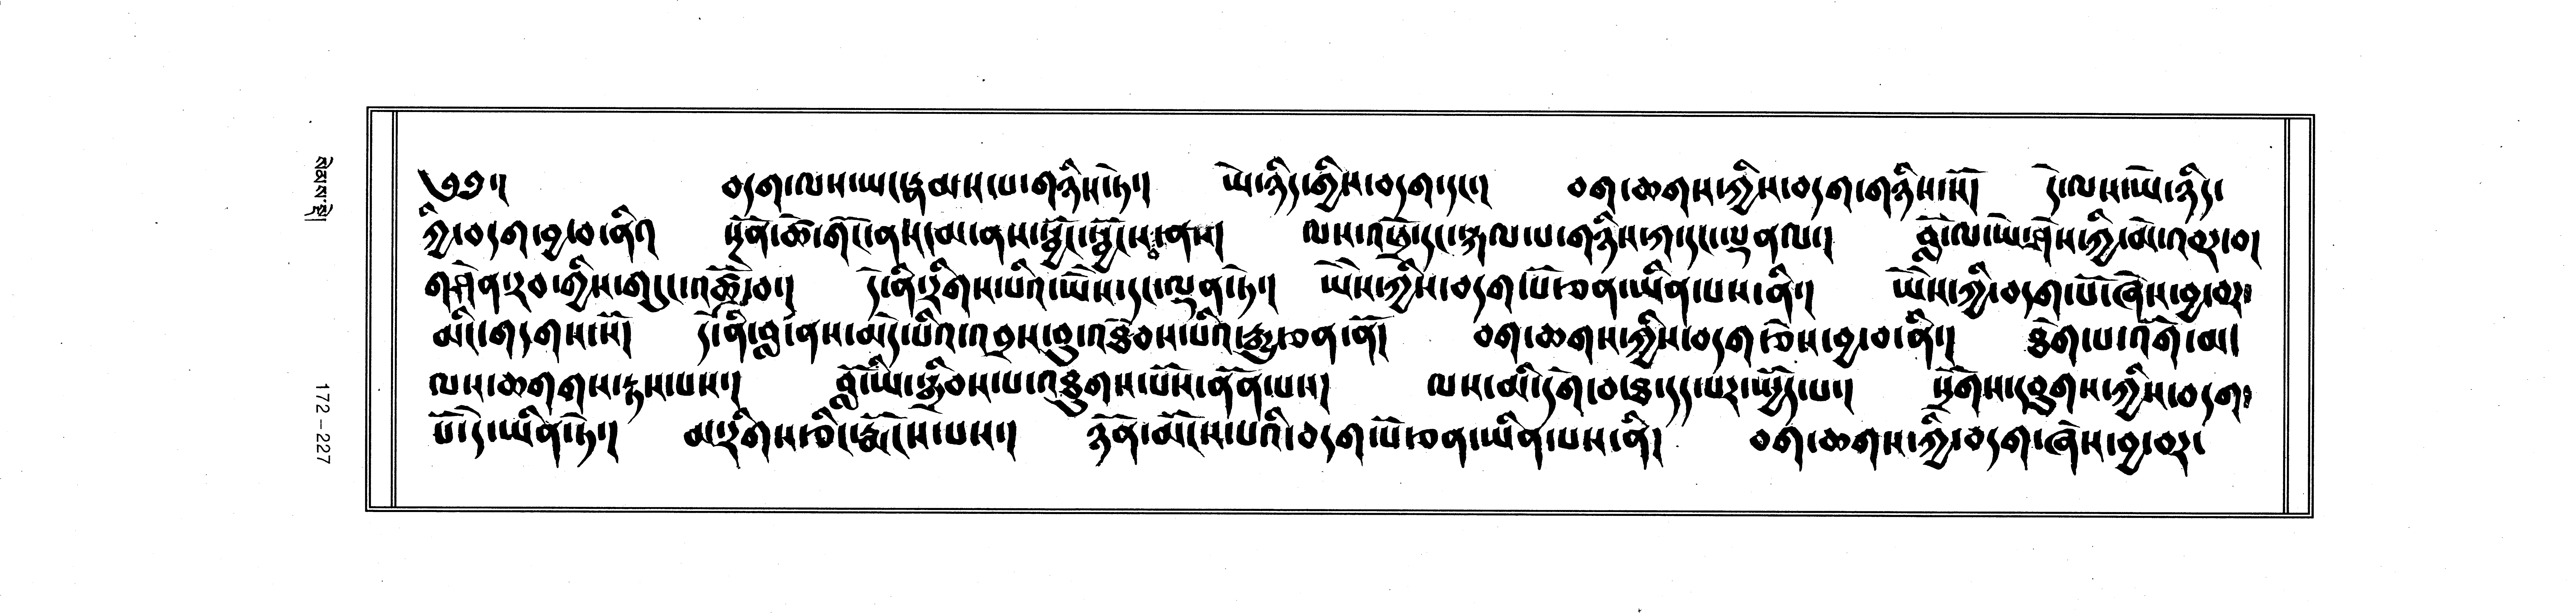བདག་ལས་ཡང་རྣམ་པ་གཉིས་ཏེ། ཡེ་ཉིད་གྱིས་བདག་དང་། བག་ཆགས་ཀྱིས་བདག་གཉིས་སོ། དེ་ལས་ཡེ་ཉིད་
ཀྱི་བདག་བྱ་བ་ནི། སྔོན་ཚེ་གོང་ནས་མ་ནས་སྦྱོང་སྦྱོངས་བ། ལས་འཕྲོ་དང་སྐལ་པ་གཉིས་ཀ་དང་ལྡན་པ། བློ་ལ་ཡེ་ཤེས་ཀྱི་མེ་འབར་བ། 
གཤེན་རབ་གྱིས་གདུང་འཚོ་བ། དེ་ནི་རིག་པའི་ཡེ་ཤེས་དང་ལྡན་ཏེ། ཡེ་ཤེས་ཀྱིས་བདག་པོ་ཅན་ཡིན་པས་ནི། ཡེ་ཤེས་ཀྱི་བདག་པོ་ཞེས་བྱ་བར་
མིང་གདགས་སྭོ། དེ་ནི་བླ་ན་མེད་པའི་འབྲས་བུ་འཐོབས་པའི་རྒྱུ་ཅན་ནོ། བག་ཆགས་ཀྱིས་བདག་ཅེས་བྱ་བ་ནི། ཐེག་པ་འོག་མ་
ལས་ཆགས་རྟས་པས། བློ་ཡི་སྒྲིབ་པ་འཐུགས་པོས་ནོན་པས། ལས་མི་དགེ་བ་ཐ་དད་པར་སྤྱོད་པ། སྲོག་དབུགས་ཀྱིས་བདག་
པོ་དེ་ཡིན་ཏེ། མ་རིག་ཅིང་རྨོངས་པས། ཉོན་མོངས་པའི་བདག་པོ་ཅན་ཡིན་པས་ནི། བག་ཆགས་ཀྱི་བདག་ཞེས་བྱ་བར་